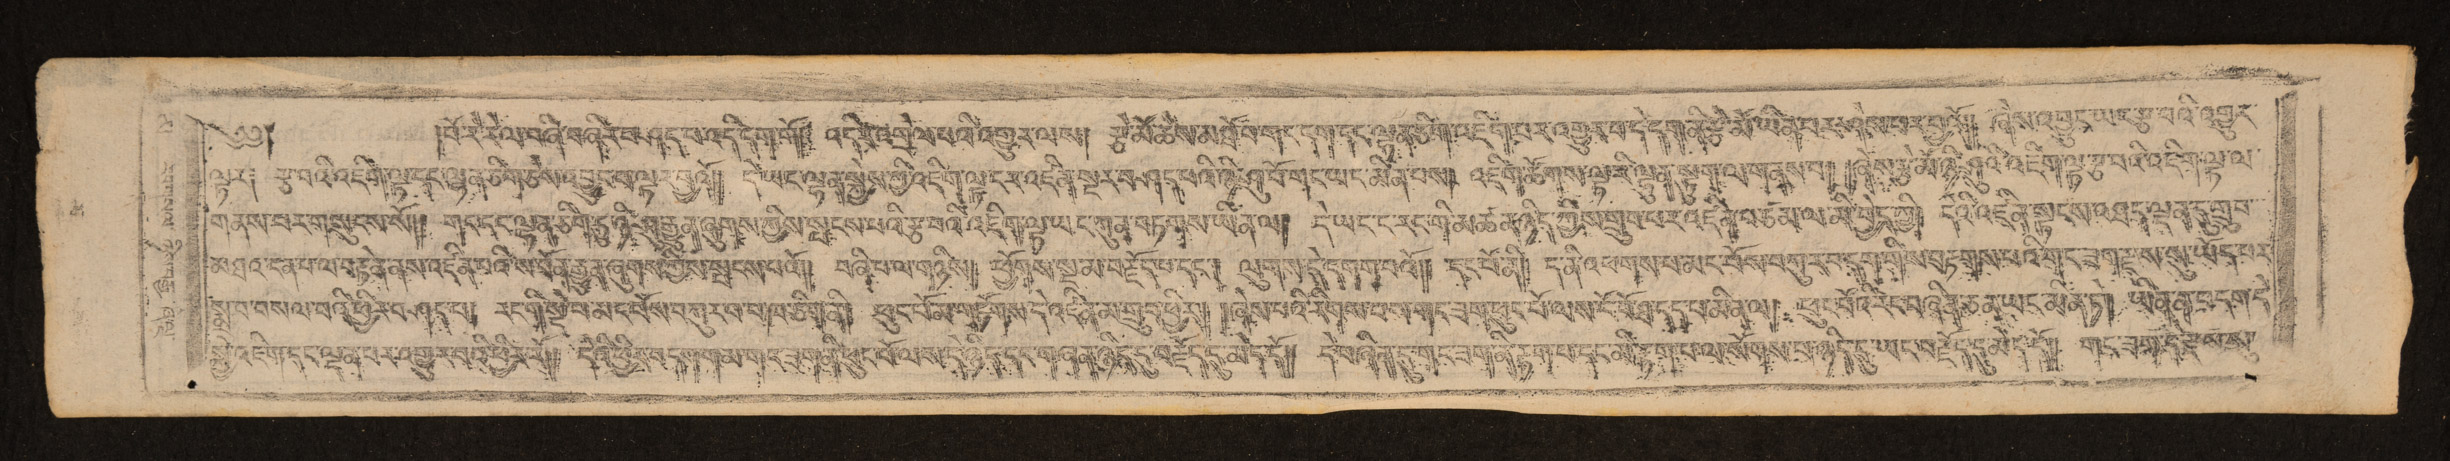༄༅། །པོ་རེ་རེ་ལ་བཞི་བཞིར་བཤད་པ་འདི་དག་གོ། འདིར་འགྲེལ་པའི་འགྱུར་ལས། རྩེ་མོ་ཆེས་མཐོ་བ་གང་དག་དང་ལྷན་ཅིག་འཇིག་པར་འགྱུར་བ་དེ་དག་ནི་རྩེ་མོ་ཡིན་པར་ཤེས་པར་བྱའོ།། ཞེས་འབྱུང་ཡང་རྩ་བའི་འགྱུར་
ལྟར༑ རྩ་བའི་འཇིག་ལྟ་དང་ལྷན་ཅིག་ཅེས་འབྱུང་བ་ལྟར་བྱའོ།། དེ་ཡང་ལྷན་སྐྱེས་ཀྱི་འཇིག་ལྟ་ངར་འཛིན་སྔར་བཤད་པའི་ཉི་ཤུ་པོ་གང་ཡང་མིན་པས། འཇིག་ཚོགས་ལྟ་རི་ལྷུན་སྟུག་ལ་གནས་པ། །ཞེས་རྩེ་མོ་ཉི་ཤུའི་འཇིག་ལྟ་རྩ་བའི་འཇིག་ལྟ་ལ་
གནས་པར་གསུངས་སོ།། གང་དང་ལྷན་ཅིག་ཏུ་ཉི་ཤུ་རྒྱུན་ཞུགས་ཀྱིས་སྤངས་པའི་རྩ་བའི་འཇིག་ལྟ་ཡང་ཀུན་བརྟགས་ཡིན་ལ། དེ་ཡང་ང་རང་གི་མཚན་ཉིད་ཀྱིས་གྲུབ་པར་འཛིན་པ་ཙམ་ལ་མི་བྱེད་ཀྱི། དེའི་འཛིན་སྟངས་འཐད་ལྡན་དུ་གྲུབ་
མཐའ་ངན་པ་ལ་བརྟེན་ནས་འཛིན་པའི་ས་བོན་རྒྱུན་ཞུགས་ཀྱིས་སྤངས་པའོ།། བཞི་པ་ལ་གཉིས། ཕྱོགས་སྔ་མ་བརྗོད་པ་དང་། ལུགས་དེ་དགག་པའོ།། དང་པོ་ནི། ད་ནི་འཕགས་པ་མང་པོས་བཀུར་བ་དག་གིས་བརྟགས་པའི་གང་ཟག་རྫས་སུ་ཡོད་པར་
སྨྲ་བ་བསལ་བའི་ཕྱིར་བཤད་པ། རང་གི་སྡེ་པ་མང་པོས་བཀུར་བ་པ་ཁ་ཅིག་ནི། ཕུང་པོ་མ་གཏོགས་དེ་འཛིན་མ་གྲུབ་ཕྱིར། །ཞེས་པའི་རིགས་པས་གང་ཟག་ཕུང་པོ་ལས་ངོ་བོ་ཐ་དད་པ་མིན་ལ། ཕུང་པོའི་རང་བཞིན་ཅན་ཡང་མིན་ཏེ། ཡིན་ན་བདག་དེ་
སྐྱེ་འཇིག་དང་ལྡན་པར་འགྱུར་བའི་ཕྱིར་རོ།། དེའི་ཕྱིར་བདག་གམ་གང་ཟག་ནི་ཕུང་པོ་ལས་དེ་ཉིད་དང་གཞན་ཉིད་དུ་བརྗོད་དུ་མེད་དོ།། དེ་བཞིན་དུ་གང་ཟག་ནི་རྟག་པ་དང་མི་རྟག་པ་ལ་སོགས་པ་ཉིད་དུ་ཡང་བརྗོད་དུ་མེད་དོ།། གང་ཟག་དེ་རྫས་སུ་